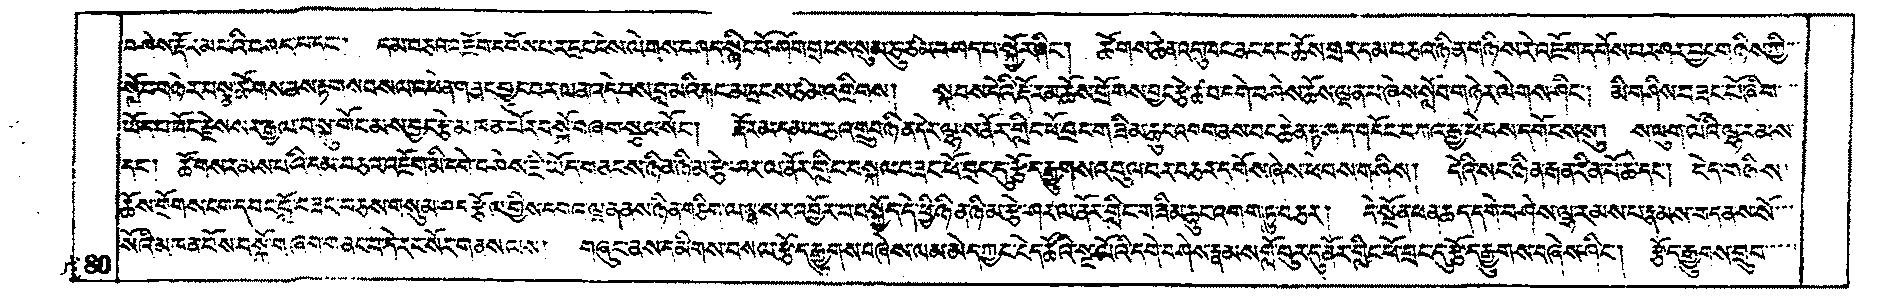བཤེས་རྡོ་རམ་པའི་བཤད་པ་དང་། དམ་བཅའ་འཇོག་དགོས་པར་དྲང་ངེས་ལེགས་བཤད་སྙིང་པོ་ཤོག་གྲངས་སུམ་ཅུ་ཙམ་བཤད་པ་སྐྱོར་ཞིང་། ཚོགས་ཆེན་འདུ་ཁང་ནང་དང་ཆོས་གྲར་དམ་བཅའ་ཉིན་གཉིས་རེ་འཇོག་དགོས་པར་ཤར་བྱང་གཉིས་ཀྱི་
སློབ་གཉེར་བ་སྣ་ཚོགས་ནས་རྟགས་བསལ་འཕེན་གནང་བྱུང་བར་ལན་འདེབས་བླ་མའི་རྐང་མ་དྲངས་ཙམ་འགྲིགས། སྐབས་དེའི་རྡོ་རམ་ཆོས་གྲོགས་བྱང་རྩེ་ཚ་བ་དགེ་བཤེས་ཆོས་ལྡན་པ་ཞེས་སློབ་གཉེར་ལེགས་ཤིང་། མི་གཤིས་བཟང་པོ་ཞིག་
ཡོད་པ་ཁོང་རྗེས་སར་རྒྱལ་བ་སྐུ་གོང་མས་བྱང་རྩེ་མཁན་པོར་བསྐོ་གཞག་སྩལ་སོང་། རྡོ་རམ་དམ་བཅའ་གྲུབ་ཉིན་དེར་ལྷ་ས་ནོར་གླིང་ཕོ་བྲང་གཟིམ་ཆུང་འགག་ནས་བང་ཆེན་རྟ་ཤད་གདོང་བཀའ་རྒྱ་ཕེབས་དགོངས་སུ། ས་ལུག་ལོའི་ལྷ་རམས་
དང་། ཚོགས་རམས་པའི་དམ་བཅའ་འཇོག་མི་དགེ་བཤེས་ཇི་ཡོད་གནངས་ཉིན་ཉི་མ་རྩེ་ཤར་ལ་ནོར་གླིང་བསྐལ་བཟང་ཕོ་བྲང་དུ་རྩོད་རྒྱུགས་འབུལ་བར་བཅར་དགོས་ཞེས་ཕེབས་གཤིས། དེའི་སང་ཉིན་རྒན་རིན་པོ་ཆེ་དང་། ངེད་གཉིས་
ཆོས་གྲོགས་ངག་དབང་བློ་བཟང་བཅས་གསུམ་ཤད་རྩོལ་གྱིས་དགའ་ལྡན་ནས་ཉིན་གཅིག་ལ་ལྷ་སར་འབྱོར་བ་བསྐྱོད་དེ་ཕྱི་ཉིན་ཉི་མ་རྩེ་ཤར་ལ་ནོར་གླིང་གཟིམ་ཆུང་འགག་ཏུ་བཅར། དེ་སྔོན་ཕན་ཆད་དགེ་བཤེས་ལྷ་རམས་པ་རྣམས་གདན་ས་སོ་
སོའི་མཁན་པོས་བསྐོ་གཞག་གནང་བ་དེ་རང་སོར་གནས་ལས། གཞུང་ནས་དམིགས་བསལ་རྩོད་རྒྱུགས་བཞེས་ལམ་མེད་ཀྱང་ངེད་ཚོའི་སྔ་ལོའི་དགེ་བཤེས་རྣམས་གློ་བུར་དུ་ནོར་གླིང་ཕོ་བྲང་དུ་རྩོད་རྒྱུགས་བཞེས་ཤིང་། རྩོད་རྒྱུགས་གྲུབ་